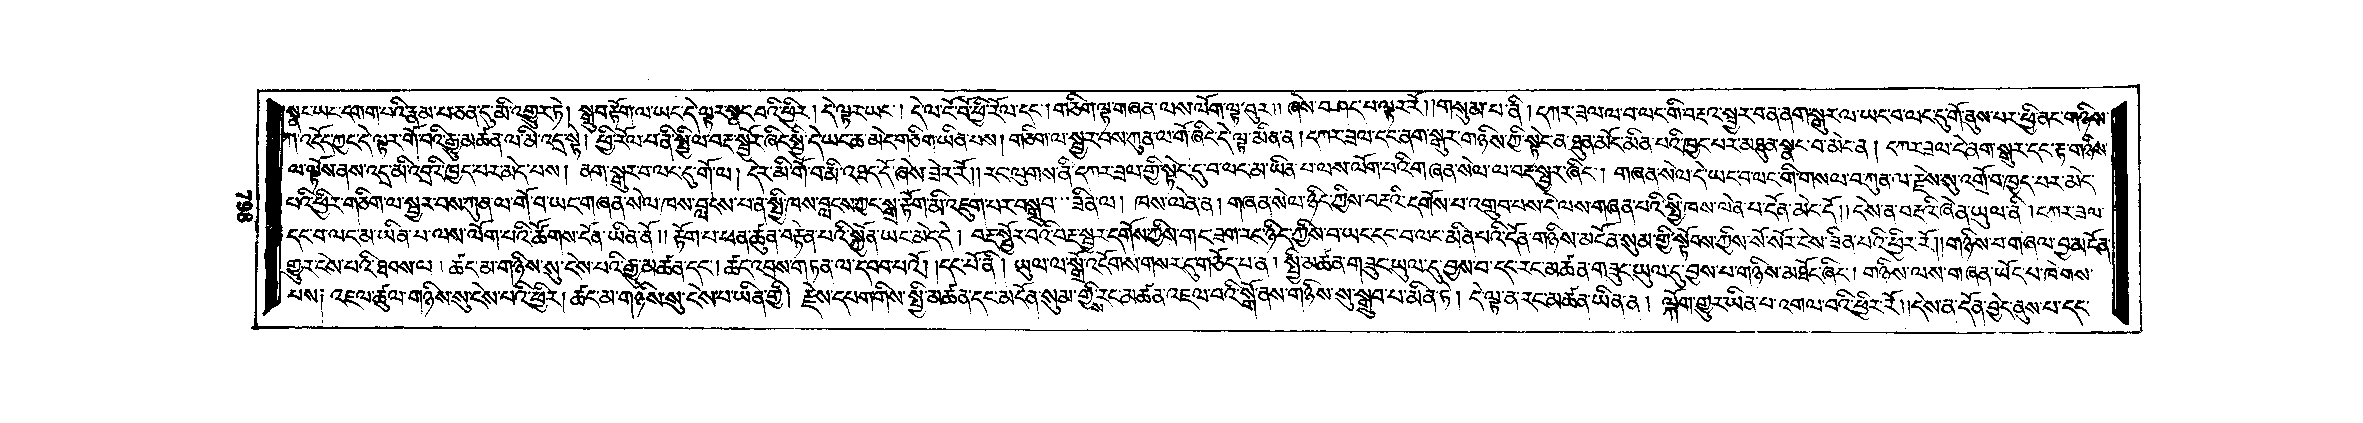སྣང་ཡང་དགག་པའི་རྣམ་པ་ཅན་དུ་མི་འགྱུར་ཏེ། སྒྲུབ་རྟོག་ལ་ཡང་དེ་ལྟར་སྣང་བའི་ཕྱིར། དེ་ལྟར་ཡང་། དེ་ལ་ངོ་བོ་ཕྱི་རོལ་དང་། གཅིག་ལྟ་གཞན་ལས་ལོག་ལྟ་བུར། །ཞེས་བཤད་པ་ལྟར་རོ། །གསུམ་པ་ནི། དཀར་ཟལ་ལ་བ་ལང་གི་བརྡའ་སྦྱར་བ་ན་ནག་སྒུར་ལ་ཡང་བ་ལང་དུ་གོ་ནུས་པར་ཕྱི་ནང་གཉིས་
ཀ་འདོད་ཀྱང་དེ་ལྟར་གོ་བའི་རྒྱུ་མཚན་ལ་མི་འདྲ་སྟེ། ཕྱི་རོལ་པ་ནི་སྤྱི་ལ་བརྡ་སྦྱོར་ཞིང་སྤྱི་དེ་ཡང་ཆ་མེད་གཅིག་ཡིན་པས། གཅིག་ལ་སྦྱར་བས་ཀུན་ལ་གོ་ཞིང་དེ་ལྟ་མིན་ན། དཀར་ཟལ་དང་ནང་སྒྲུབ་གཉིས་ཀྱི་སྟེང་ན་ཐུན་མོང་མིན་པའི་ཁྱད་པར་མཐུན་སྣང་བ་མེད་ན། དཀར་ཟལ་དེ་ནག་སྒུར་དང་རྟ་གཉིས་
ལ་ལྟོས་ནས་འདྲ་མི་འདྲའི་ཁྱད་པར་མེད་པས། ནག་སྒུར་བ་ལང་དུ་གོ་ལ། དེར་མི་གོ་བ་མི་འཐད་དོ་ཞེས་ཟེར་རོ། །རང་ལུགས་ནི་དཀར་ཟལ་གྱི་སྟེང་དུ་བ་ལང་མ་ཡིན་པ་ལས་ལོག་པའི་གཞན་སེལ་ལ་བརྡ་སྦྱར་ཞིང་། གཞན་སེལ་དེ་ཡང་བ་ལང་གི་གསལ་བ་ཀུན་ལ་རྗེས་སུ་འགྲོ་བ་ཁྱད་པར་མེད་
པའི་ཕྱིར་གཅིག་ལ་སྦྱར་བས་ཀུན་ལ་གོ་བ་ཡང་གཞན་སེལ་ཁས་བླངས་པ་ན་སྤྱི་ཁས་བླངས་ཀྱང་སྒྲ་རྟོག་མི་འཇུག་པར་བསྒྲུབ་ཟིན་ལ། ཁས་ལེན་ན། གཞན་སེལ་ཉིད་ཀྱིས་བརྡའི་དགོས་པ་འགྲུབ་པས་དེ་ལས་གཞན་པའི་སྤྱི་ཁས་ལེན་པ་དོན་མེད་དོ། །དེས་ན་བརྡའི་ཞེན་ཡུལ་ནི། དཀར་ཟལ་
དང་བ་ལང་མ་ཡིན་པ་ལས་ལོག་པའི་ཚོགས་དོན་ཡིན་ནོ། །རྟོག་པ་ཕན་ཚུན་བརྟེན་པའི་སྐྱོན་ཡང་མེད་དེ། བརྡ་སྦྱོར་བའི་བརྡ་སྦྱར་དགོས་ཀྱིས་གང་ཟག་རང་ཉིད་ཀྱིས་བ་ཡང་དང་བ་ལང་མིན་པའི་དོན་གཉིས་མངོན་སུམ་གྱི་སྟོབས་ཀྱིས་སོ་སོར་ངེས་ཟིན་པའི་ཕྱིར་རོ། །གཉིས་པ་གཞལ་བྱ་མངོན་
གྱུར་ངེས་པའི་ཐབས་ལ། ཚད་མ་གཉིས་སུ་ངེས་པའི་རྒྱུ་མཚན་དང་། ཚད་འབྲས་གཏན་ལ་དབབ་པའོ། །དང་པོ་ནི། ཡུལ་ལ་སྒྲོ་འདོགས་གསར་དུ་གཅོད་པ་ན། སྤྱི་མཚན་གཟུང་ཡུལ་དུ་བྱས་པ་དང་རང་མཚན་གཟུང་ཡུལ་དུ་བྱས་པ་གཉིས་མཐོང་ཞིང་། གཉིས་ལས་གཞན་ཡོད་པ་ཁེགས་
པས། འཇལ་ཚུལ་གཉིས་སུ་ངེས་པའི་ཕྱིར། ཚད་མ་གཉིས་སུ་ངེས་པ་ཡིན་གྱི། རྗེས་དཔག་གིས་སྤྱི་མཚན་དང་མངོན་སུམ་གྱིས་རང་མཚན་འཇལ་བའི་སྒོ་ནས་གཉིས་སུ་སྒྲུབ་པ་མིན་ཏེ། དེ་ལྟ་ན་རང་མཚན་ཡིན་ན། ལྐོག་གྱུར་ཡིན་པ་འགལ་བའི་ཕྱིར་རོ། །དེས་ན་དོན་བྱེད་ནུས་པ་དང་